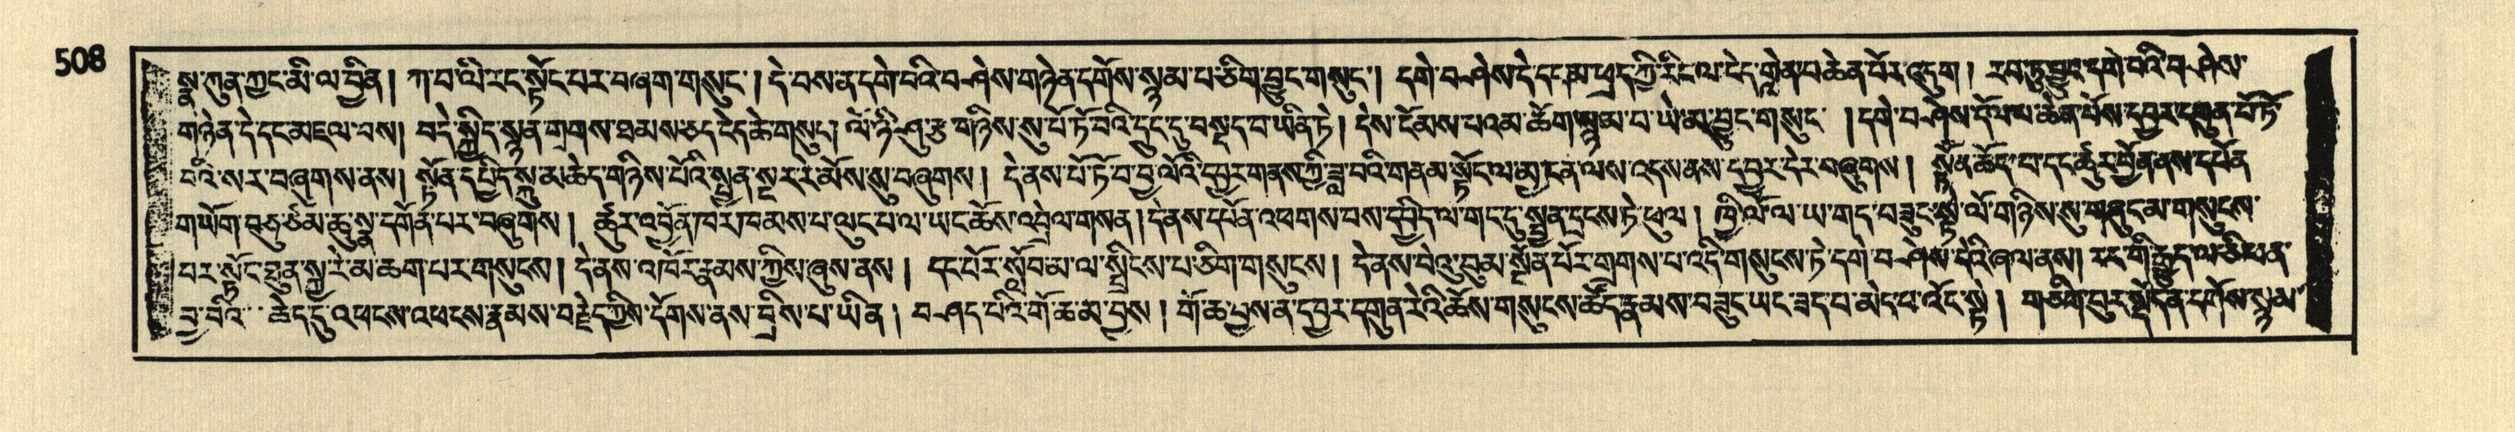སྣ་ཀུན་ཀྱང་མི་ལ་བྱིན། ཀ་བ་ལི་རང་སྟོང་པར་བཞག་གསུང་། དེ་བས་ན་དགེ་བའི་བཤེས་གཉེན་དགོས་སྙམ་པ་ཅིག་བྱུང་གསུང་། དགེ་བཤེས་དེ་དང་མ་ཕྲད་ཀྱི་རིང་ལ་ངེས་གླེན་པ་ཆེན་པོར་འདུག། རབ་ཏུ་བྱུང་དགེ་བའི་བཤེས་
གཉེན་དེ་དང་མཇལ་བས། བདེ་སྐྱིད་སྙན་གྲགས་ཐམས་ཅད་ངེད་ཆེ་གསུང་། ལོ་ཉི་ཤུ་རྩ་གཉིས་སུ་པོ་ཏོ་བའི་དྲུང་དུ་བསྡད་པ་ཡིན་ཏེ། དེས་ངོམས་པའམ་ཆོག་སྙམ་པ་ཡེ་མ་བྱུང་གསུང་།དགེ་བཤེས་དོལ་པ་ཆེན་པོས་དབྱར་དགུན་པོ་ཏོ་
བའི་སར་བཞུགས་ནས། སྟོན་དཔྱིད་སྐུ་མཆེད་གཉིས་པོའི་སྤྱན་སྔར་རེ་མོས་སུ་བཞུགས། དེ་ནས་པོ་ཏོ་བ་བྱ་ལོའི་དབྱར་གནས་ཀྱི་ཟླ་བའི་གནམ་སྟོང་ལ་མྱ་ངན་ལས་འདས་ནས་དབྱར་དེར་བཞུགས། སྟོན་ཆོད་པ་དང་ཚུར་བྱོན་ནས་དཔོན་
གཡོག་བཅུ་ཙམ་ཆུ་སྣ་དགོན་པར་བཞུགས། ཚུར་འབྱོན་ཁར་ཁམས་པ་ལུང་པ་ལ་ཡང་ཆོས་འབྲེལ་གསན། དེ་ནས་དཔོན་འཕགས་པས་དཔྱིད་ལ་གང་དུ་སྤྱན་དྲངས་ཏེ་ཕུལ། ཁྱི་ལོ་ལ་ཡ་གད་བཟུང་སྟེ་ལོ་གཉིས་སུ་གཞུང་མ་གསུངས་
པར་སྟོང་ཐུན་སྐྱ་རེ་མ་ཆག་པར་གསུངས། དེ་ནས་འཁོར་རྣམས་ཀྱིས་ཞུས་ནས། དང་པོར་སློབ་མ་ལ་སྦྲིངས་པ་ཅིག་གསུངས། དེ་ནས་བེའུ་བུམ་སྔོན་པོར་གྲགས་པ་འདི་གསུངས་ཏེ་དགེ་བཤེས་དེའི་ཞལ་ནས། རང་གི་རྒྱུད་ལ་ཅི་ཕན་
བྱ་བའི་ཆེད་དུ་འཕངས་འཕངས་རྣམས་བརྗེད་ཀྱིས་དོགས་ནས་བྲིས་པ་ཡིན། བཤད་པའི་གོ་ཆ་མ་བྱས། གོ་ཆ་བྱས་ན་དབྱར་དགུན་རེའི་ཆོས་གསུངས་ཚོད་རྣམས་བཟུང་ཡང་ཟད་པ་མེད་པ་འོང་སྟེ། གཅིག་པུར་སྡོད་ན་དགོས་སྙམ་